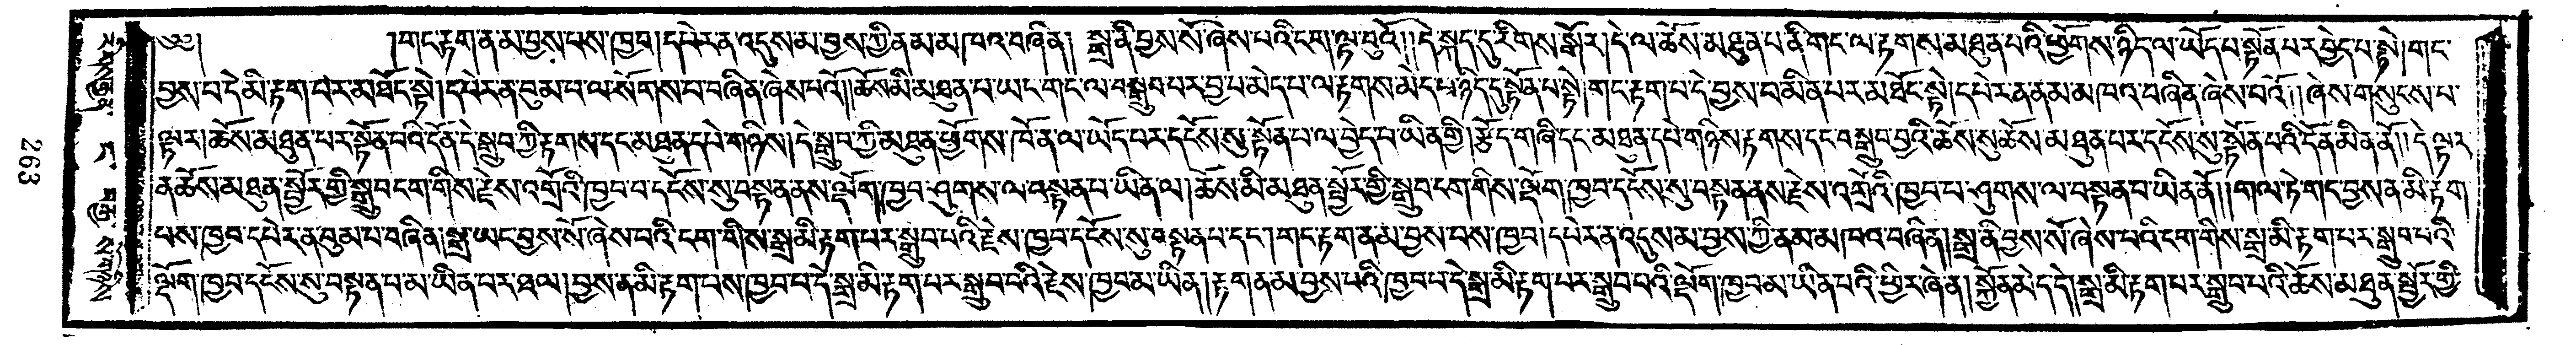༄༅། །གང་རྟག་ན་མ་བྱས་པས་ཁྱབ། དཔེར་ན་འདུས་མ་བྱས་ཀྱི་ནམ་མཁའ་བཞིན། སྒྲ་ནི་བྱས་སོ་ཞེས་པའི་ངག་ལྟ་བུའོ། །དེ་སྐད་དུ་རིགས་སྒོར། དེ་ལ་ཆོས་མཐུན་པ་ནི་གང་ལ་རྟགས་མཐུན་པའི་ཕྱོགས་ཉིད་ལ་ཡོད་པ་སྟོན་པར་བྱེད་པ་སྟེ། གང་
བྱས་པ་དེ་མི་རྟག་པར་མཐོང་སྟེ། དཔེར་ན་བུམ་པ་ལ་སོགས་པ་བཞིན་ཞེས་པའོ། །ཆོས་མི་མཐུན་པ་ཡང་གང་ལ་བསྒྲུབ་པར་བྱ་བ་མེད་པ་ལ་རྟགས་མེད་པ་ཉིད་དུ་སྟོན་པ་སྟེ། གང་རྟག་པ་དེ་བྱས་པ་མིན་པར་མཐོང་སྟེ། དཔེར་ན་ནམ་མཁའ་བཞིན་ཞེས་པའོ། །ཞེས་གསུངས་པ་
ལྟར། ཆོས་མཐུན་པར་སྟོན་པའི་དོན་དེ་སྒྲུབ་ཀྱི་རྟགས་དང་མཐུན་དཔེ་གཉིས། དེ་སྒྲུབ་ཀྱི་མཐུན་ཕྱོགས་ཁོ་ན་ལ་ཡོད་པར་དངོས་སུ་སྟོན་པ་ལ་བྱེད་པ་ཡིན་གྱི། རྩོད་གཞི་དང་མཐུན་དཔེ་གཉིས་རྟགས་དང་བསྒྲུབ་བྱའི་ཆོས་སུ་ཆོས་མཐུན་པར་དངོས་སུ་སྟོན་པའི་དོན་མིན་ནོ། །དེ་ལྟར་
ན་ཆོས་མཐུན་སྦྱོར་གྱི་སྒྲུབ་ངག་གིས་རྗེས་འགྲོའི་ཁྱབ་པ་དངོས་སུ་བསྟན་ནས་ལྡོག་ཁྱབ་ཤུགས་ལ་བསྟན་པ་ཡིན་ལ། ཆོས་མི་མཐུན་སྦྱོར་གྱི་སྒྲུབ་ངག་གིས་ལྡོག་ཁྱབ་དངོས་སུ་བསྟན་ནས་རྗེས་འགྲོའི་ཁྱབ་པ་ཤུགས་ལ་བསྟན་པ་ཡིན་ནོ། །གལ་ཏེ་གང་བྱས་ན་མི་རྟག་
པས་ཁྱབ་དཔེར་ན་བུམ་པ་བཞིན། སྒྲ་ཡང་བྱས་སོ་ཞེས་པའི་ངག་གིས་སྒྲ་མི་རྟག་པར་སྒྲུབ་པའི་རྗེས་ཁྱབ་དངོས་སུ་བསྟན་པ་དང་། གང་རྟག་ན་མ་བྱས་པས་ཁྱབ། དཔེར་ན་འདུས་མ་བྱས་ཀྱི་ནམ་མཁའ་བཞིན། སྒྲ་ནི་བྱས་སོ་ཞེས་པའི་ངག་གིས་སྒྲ་མི་རྟག་པར་སྒྲུབ་པའི་
ལྡོག་ཁྱབ་དངོས་སུ་བསྟན་པ་མ་ཡིན་པར་ཐལ། བྱས་ན་མི་རྟག་པས་ཁྱབ་པ་དེ་སྒྲ་མི་རྟག་པར་སྒྲུབ་པའི་རྗེས་ཁྱབ་མ་ཡིན། རྟག་ན་མ་བྱས་པའི་ཁྱབ་པ་དེ་སྒྲ་མི་རྟག་པར་སྒྲུབ་པའི་ལྡོག་ཁྱབ་མ་ཡིན་པའི་ཕྱིར་ཞེ་ན། སྐྱོན་མེད་དེ། སྒྲ་མི་རྟག་པར་སྒྲུབ་པའི་ཆོས་མཐུན་སྦྱོར་གྱི་